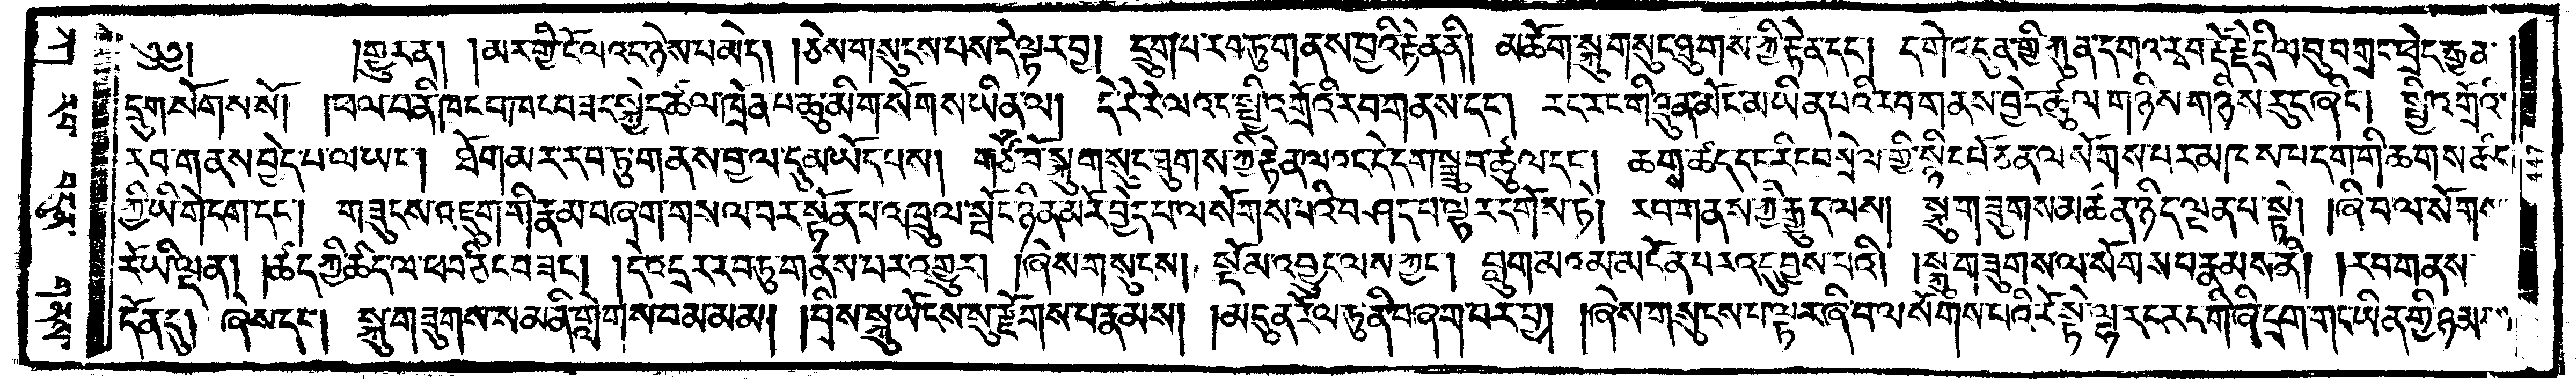༄༅། །གྱུར་ན། །མར་གྱི་ངོ་ལའང་ཉེས་པ་མེད། །ཅེས་གསུངས་པས་དེ་ལྟར་བྱ། དྲུག་པ་རབ་ཏུ་གནས་བྱའི་རྟེན་ནི། མཆོག་སྐུ་གསུང་ཐུགས་ཀྱི་རྟེན་དང་། དགེ་འདུན་གྱི་ཀུན་དགའ་རྭ་བ་རྡོ་རྗེ་དྲིལ་བུ་བགྲང་ཕྲེང་རྒྱན་
དྲུག་སོགས་སོ། །ཕལ་པ་ནི་ཁང་པ་ཁང་བཟང་སྐྱེད་ཚལ་ཁྲོན་པ་ཆུ་མིག་སོགས་ཡིན་ལ། དེ་རེ་རེ་ལའང་སྤྱི་འགྲོའི་རབ་གནས་དང་། རང་རང་གི་ཐུན་མོང་མ་ཡིན་པའི་རབ་གནས་བྱེད་ཚུལ་གཉིས་གཉིས་རུང་ཞིང་། སྤྱི་འགྲོའི་
རབ་གནས་བྱེད་པ་ལ་ཡང་། ཐོག་མར་རབ་ཏུ་གནས་བྱ་ལ་དུམ་ཡོད་པས། གཙོ་བོ་སྐུ་གསུང་ཐུགས་ཀྱི་རྟེན་ལའང་དེ་དག་སྒྲུབ་ཚུལ་དང་། ཆགས་ཚད་དང་རིང་བསྲེལ་གྱི་སྙིང་པོ་ཅན་ལ་སོགས་པར་མཁས་པ་དག་གི་ཆགས་ཚང་
ཀྱི་ཡི་གེ་ངག་དང་། གཟུངས་འཇུག་གི་རྣམ་བཞག་གསལ་བར་སྟོན་པ་འཁྲུལ་སྤོང་ཉིན་མོར་བྱེད་པ་ལ་སོགས་པའི་བཤད་པ་ལྟར་དགོས་ཏེ། རབ་གནས་ཀྱི་རྒྱུད་ལས། སྐུ་གཟུགས་མཚན་ཉིད་ལྡན་པ་སྟེ། །ཞི་བ་ལ་སོགས་
རོ་ཡི་ལྡན། །ཚད་ཀྱི་ཚད་ལ་ཕབ་ཅིང་བཟང་། །དེ་འདྲར་རབ་ཏུ་གནས་པར་འགྱུར། །ཞེས་གསུངས། སྡོམ་འབྱུང་ལས་ཀྱང་། བླུག་མའམ་མངོན་པར་འདུ་བྱས་པའི། །སྐུ་གཟུགས་ལ་སོགས་བ་རྣམས་ནི། །རབ་གནས་
དོན་དུ། ཞེས་དང་། སྐུ་གཟུགས་ས་མ་ནི་གླེགས་བམ་མམ། །བྲིས་སྐུ་ཡོངས་སུ་རྫོགས་པ་རྣམས། །མདུན་རོལ་ཏུ་ནི་བཞག་པར་བྱ། །ཞེས་གསུངས་པ་ལྟར་ཞི་པ་ལ་སོགས་པའི་རོ་སྟེ་ལྷ་རང་རང་གི་ཞི་དྲག་གང་ཡིན་གྱི་ཉམས་